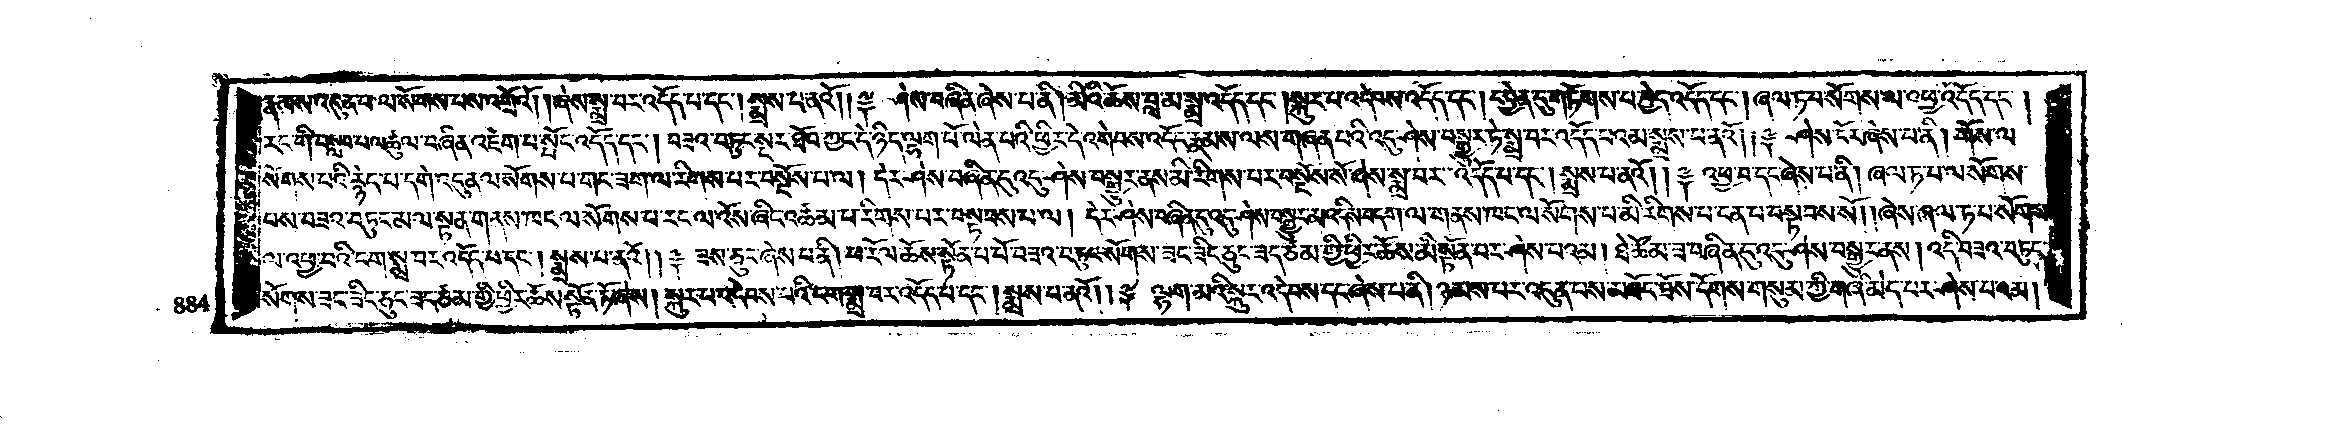རྣམས་འདུན་པ་ལ་སོགས་པས་འགྲོའོ། །ཞེས་སྨྲ་བར་འདོད་པ་དང་། སྨྲས་པ་ནའོ། ། ༈ ཤེས་བཞིན་ཞེས་པ་ནི། མིའི་ཆོས་བླ་མ་སྨྲ་འདོད་དང་། སྐུར་པ་འདེབས་འདོད་དང་། དབྱེན་དུ་གཏོགས་པ་བྱེད་འདོད་དང་། ཞལ་ཏབ་སོགས་ལ་འཕྱ་འདོད་དང་།
རང་གི་བསླབ་པ་ལ་ཚུལ་བཞིན་འཇོག་པ་སྤོང་འདོད་དང་། བཟའ་བཏུང་སྔར་ཐོབ་ཀྱང་དེ་ཉིད་ལྷག་པོ་ལེན་པའི་ཕྱིར་དེ་འགེབས་འདོད་རྣམས་ལས་གཞན་པའི་འདུས་ཤེས་བསྒྱུར་ཏེ་སྨྲ་བར་འདོད་པའམ་སྨྲས་པ་ནའོ།། ༈ ཤེས་ངོར་ཞེས་པ་ནི། གོས་ལ་
སོགས་པའི་རྙེད་པ་དགེ་འདུན་ལ་སོགས་པ་གང་ཟག་ལ་རིགས་པར་བསྔོས་པ་ལ། དེར་ཤེས་བཞིན་དུ་འདུ་ཤེས་བསྒྱུར་ནས་མི་རིགས་པར་བསྔོས་སོ་ཞེས་སྨྲ་བར་འདོད་པ་དང་། སྨྲས་པ་ནའོ། ། ༈ འཕྱ་བ་དང་ཞེས་པ་ནི། ཞལ་ཏ་པ་ལ་སོགས་
པས་བཟའ་བཏུང་མལ་སྟན་གནས་ཁང་ལ་སོགས་པ་རང་ལ་འོས་ཞིང་འཚམ་པ་རིགས་པར་བསྟབས་པ་ལ། དེར་ཤེས་བཞིན་དུ་འདུ་ཤེས་བསྒྱུར་མ་འདིས་བདག་ལ་གནས་ཁང་ལ་སོགས་པ་མི་རིགས་པ་ངན་པ་བསྟབས་སོ། །ཞེས་ཞལ་ཏ་པ་སོགས་
ལ་འཕྱ་བའི་ངག་སྨྲ་བར་འདོད་པ་དང་། སྨྲས་པ་ནའོ། ། ༈ ཟས་ཅུང་ཞེས་པ་ནི། ཕ་རོལ་ཆོས་སྟོན་པ་པོ་བཟའ་བཏུབ་སོགས་ཟང་ཟིང་ཅུང་ཟད་ཙམ་གྱི་ཕྱིར་ཆོས་མི་སྟོན་པར་ཤེས་པའམ། ཐེ་ཚོམ་ཟ་བཞིན་དུ་འདུ་ཤེས་བསྒྱུར་ནས། འདི་བཟའ་བཏུད་
སོགས་ཟང་ཟིང་ཅུང་ཟད་ཙམ་གྱི་ཕྱིར་ཆོས་སྟོན་ཏོ་ཞེས། སྐུར་པ་འདེབས་པའི་ངག་སྨྲ་བར་འདོད་པ་དང་། སྨྲས་པ་ནའོ། ། ༈ ལྷག་མའི་སྐུར་འདེབས་དང་ཞེས་པ་ནི། ཉམས་པར་འདུན་པས་མཐོང་ཐོས་དོགས་གསུམ་ཀྱི་གཞི་མེད་པར་ཤེས་པ་འམ།